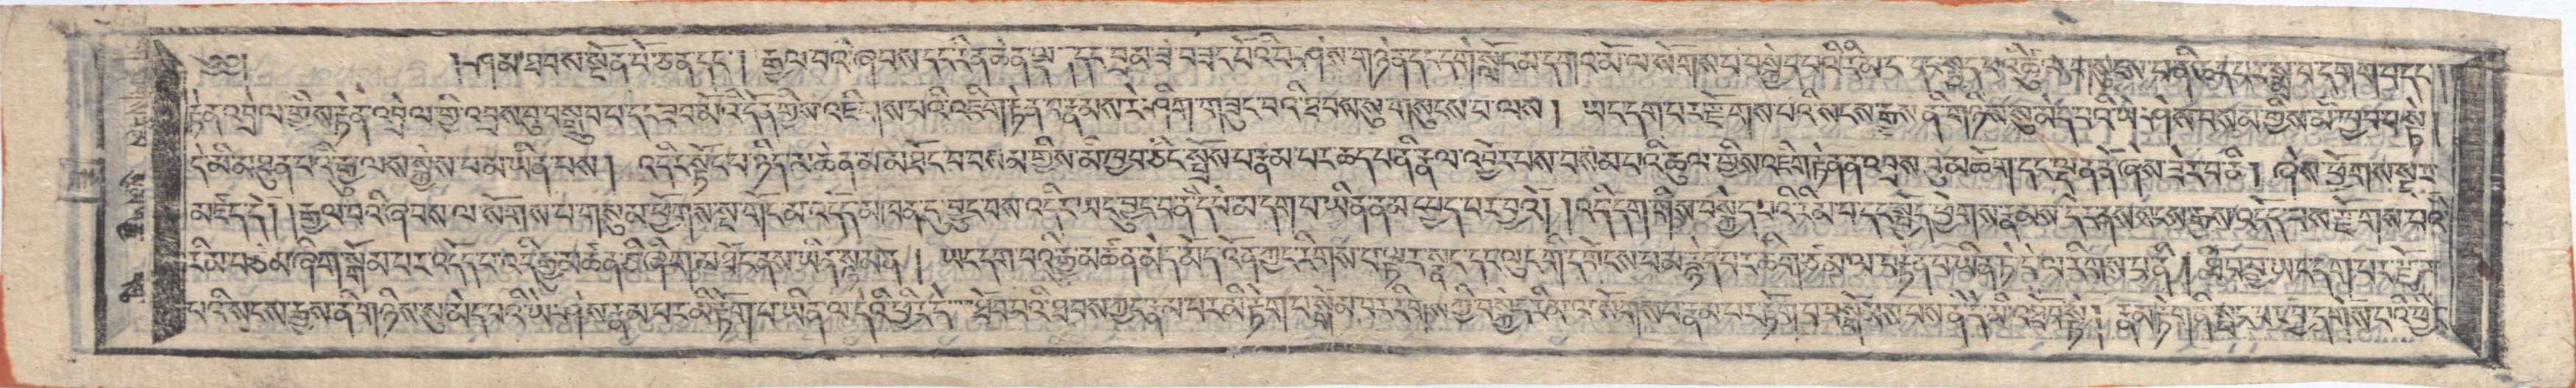༄༅། །ཤམ་ཐབས་སྔོན་པོ་ཅན་དང་། རྒྱལ་བའི་ཞབས་དང་རིན་ཆེན་ལྡན་དང་བྲམ་ཟེ་བཟང་པོའི་བཤེས་གཉེན་དང་དགེ་སློང་མ་དགའ་མོ་ལ་སོགས་པ་བསྐྱེད་པའི་རིམ་པ་དང་སྤྱད་པའི་ཚུལ་གསུངས་པ་ནི་ཆད་པར་སྨྲ་བ་དགག་པ་དང་།
རྟེན་འབྲེལ་གྱིས་རྟེན་འབྲེལ་གྱི་འབྲས་བུ་བསྒྲུབ་པ་དང་ཟབ་མོའི་དོན་གྱིས་འཇིགས་པའི་འཇིག་རྟེན་པ་རྣམས་རེ་ཤིག་གཟུང་བའི་ཐབས་སུ་གསུངས་པ་ལས། ཡང་དག་པར་རྫོགས་པའི་སངས་རྒྱས་ནི་གཉིས་སུ་མེད་པའི་ཡེ་ཤེས་བསམ་གྱིས་མི་ཁྱབ་པ་སྟེ།
དེ་མི་མཐུན་པའི་རྒྱུ་ལས་སྐྱེས་པ་མ་ཡིན་པས། འདིར་སྟོང་པ་ཉིད་མཚན་མ་མཐོང་བ་བསམ་གྱིས་མི་ཁྱབ་ཅིང་སྤྲོས་པ་རྣམ་པར་ཆད་པ་ནི་རྣལ་འབྱོར་པས་བསམ་པའི་ཚུལ་གྱིས་འཇིག་རྟེན་ན་འབྲས་བུ་མཆོག་དང་ལྡན་ནོ་ཞེས་ཟེར་བ་ནི། ཞེས་ཕྱོགས་སྔར་
མཛད་དོ། །རྒྱལ་བའི་ཞབས་ལ་སོགས་པ་གསུམ་ཕྱོགས་སྔ་གོང་མ་འདོད་མཁན་དུ་བྱུང་བས་འདིར་ཡང་བྱུང་བ་ནི་དཔེ་མ་དག་པ་ཡིན་ནམ་དཔྱད་པར་བྱའོ། །འདི་དག་གིས་བསྐྱེད་པའི་རིམ་པ་དང་སྤྱོད་ཕྱོགས་རྣམས་དེར་ནས་སངས་རྒྱས་འདོད་པས་རྫོགས་པའི་
རིམ་པ་ཙམ་ཞིག་སྒོམ་པར་འདོད་པ་འདི་རྒྱུ་མཚན་ཅི་ཞིག་མཐོང་ནས་ཡིན་སྙམ་ན། ཡང་དག་པའི་རྒྱུ་མཚན་མེད་མོད་འོན་ཀྱང་རིགས་པ་ལྟར་སྣང་དང་ལུང་གི་དགོངས་པ་མ་རྙེད་པར་ཚིག་ཙམ་ལ་བརྟེན་པ་ཡིན་ཏེ་དེ་ལ་རིགས་པ་ནི། ཐོབ་བྱ་ཡང་དག་པར་རྫོགས་
པའི་སངས་རྒྱས་ནི་གཉིས་སུ་མེད་པའི་ཡེ་ཤེས་རྣམ་པར་མི་རྟོག་པ་ཡིན་ལ་དེའི་ཕྱིར་དེ་ཐོབ་པའི་ཐབས་ཀྱང་རྣམ་པར་མི་རྟོག་པ་སྒོམ་པར་རིགས་ཀྱི་བསྐྱེད་རིམ་ལ་སོགས་པ་རྣམ་པར་རྟོག་པ་བསྒོམས་པས་ནི་དེ་མི་འཐོབ་སྟེ། རྣམ་རྟོག་ནི་སྤང་པར་བྱ་དགོས་པའི་ཕྱིར་